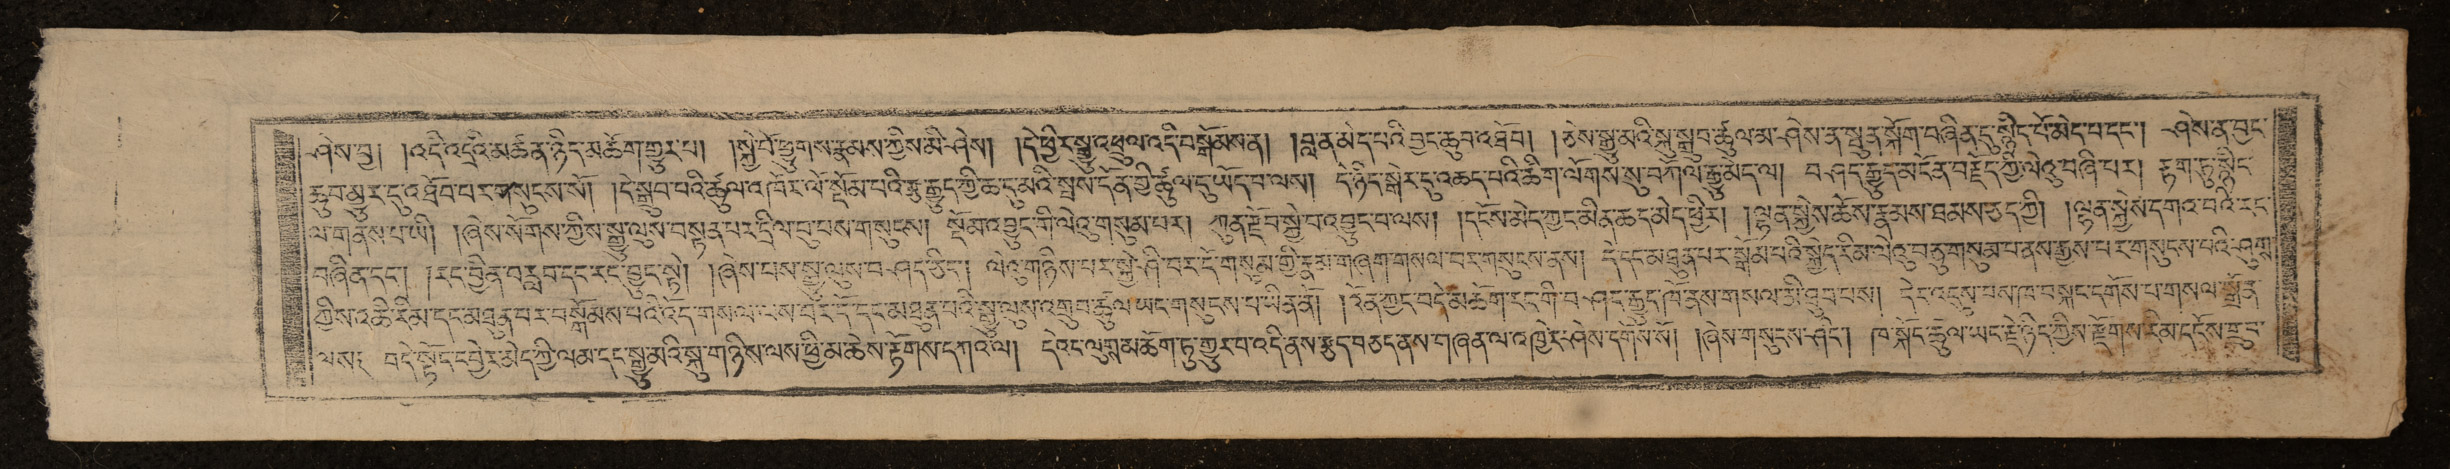ཤེས་བྱ། །འདི་འདྲའི་མཚན་ཉིད་མཆོག་གྱུར་པ། །སྐྱེ་བོ་ཕྱུགས་རྣམས་ཀྱིས་མི་ཤེས། །དེ་ཕྱིར་སྒྱུ་འཕྲུལ་འདི་བསྒོམས་ན། །བླ་ན་མེད་པའི་བྱང་ཆུབ་འཐོབ། །ཅེས་སྒྱུ་མའི་སྐུ་སྒྲུབ་ཚུལ་མ་ཤེས་ན་སྦུན་སྐོག་བཞིན་དུ་སྙིང་པོ་མེད་པ་དང་། ཤེས་ན་བྱང་
ཆུབ་མྱུར་དུ་འཐོབ་པར་གསུངས་སོ། །དེ་སྒྲུབ་པའི་ཚུལ་འཁོར་ལོ་སྡོམ་པའི་རྩ་རྒྱུད་ཀྱི་ཆ་དུ་མའི་སྦས་དོན་གྱི་ཚུལ་དུ་ཡོད་པ་ལས། དེ་ཉིད་སྒེར་དུ་འཆད་པའི་ཚིག་ལོགས་སུ་བཀོལ་རྒྱུ་མེད་ལ། བཤད་རྒྱུད་མངོན་བརྗོད་ལེའུ་བཞི་པར། རྟག་ཏུ་སྙིང་
ལ་གནས་པ་ཡེ། །ཞེས་སོགས་ཀྱིས་སྒྱུ་ལུས་བསྟན་པར་དྲིལ་བུ་བས་གསུངས། །སྡོམ་འབྱུང་གི་ལེའུ་གསུམ་པར། ཀུན་རྫོབ་སྐྱེ་བ་འབྱུང་བ་ལས། །དངོས་མེད་ཀྱང་མིན་ཆད་མེད་ཕྱིར། །ལྷན་སྐྱེས་ཆོས་རྣམས་ཐམས་ཅད་ཀྱི། །ལྷན་སྐྱེས་དགའ་བའི་རང་
བཞིན་དང་། །རང་བྱིན་བརླབ་དང་རང་བྱུང་སྟེ། །ཞེས་པས་སྒྱུ་ལུས་བཤད་ཅིང་། ལེའུ་གཉིས་པར་སྐྱེ་ཤི་བར་དོ་གསུམ་གྱི་རྣམ་གཞག་གསལ་བར་གསུངས་ནས། དེ་དང་མཐུན་པར་སྒོམ་པའི་སྐྱེད་རིམ་ལེའུ་བཅུ་གསུམ་པ་ནས་རྒྱས་པར་གསུངས་པའི་ཤུགས་
ཀྱིས་འཆི་རིམ་དང་མཐུན་པར་བསྒོམས་པའི་འོད་གསལ་ལས་བར་དོ་དང་མཐུན་པའི་སྒྱུ་ལུས་འགྲུབ་ཚུལ་ཡང་གསུངས་པ་ཡིན་ནོ། །འོན་ཀྱང་བདེ་མཆོག་རང་གི་བཤད་རྒྱུད་ཁོ་ནས་གསལ་མི་ཐུབ་པས། དེར་འདུས་པས་ཁ་བསྐང་དགོས་པ་གསལ་སྒྲོན་
ལས༑ བདེ་སྟོང་དབྱེར་མེད་ཀྱི་ལམ་དང་སྒྱུ་མའི་སྐུ་གཉིས་ལས་ཕྱི་མ་ཆེས་རྟོགས་དཀའ་ལ། དེའང་ལུགས་མཆོག་ཏུ་གྱུར་པ་འདི་ནས་རྩད་བཅད་ནས་གཞན་ལ་འཁྱེར་ཤེས་དགོས་སོ། །ཞེས་གསུངས་ཤིང་། ཁ་སྐོང་ཚུལ་ཡང་རྗེ་ཉིད་ཀྱིས་རྫོགས་རིམ་དངོས་གྲུབ་